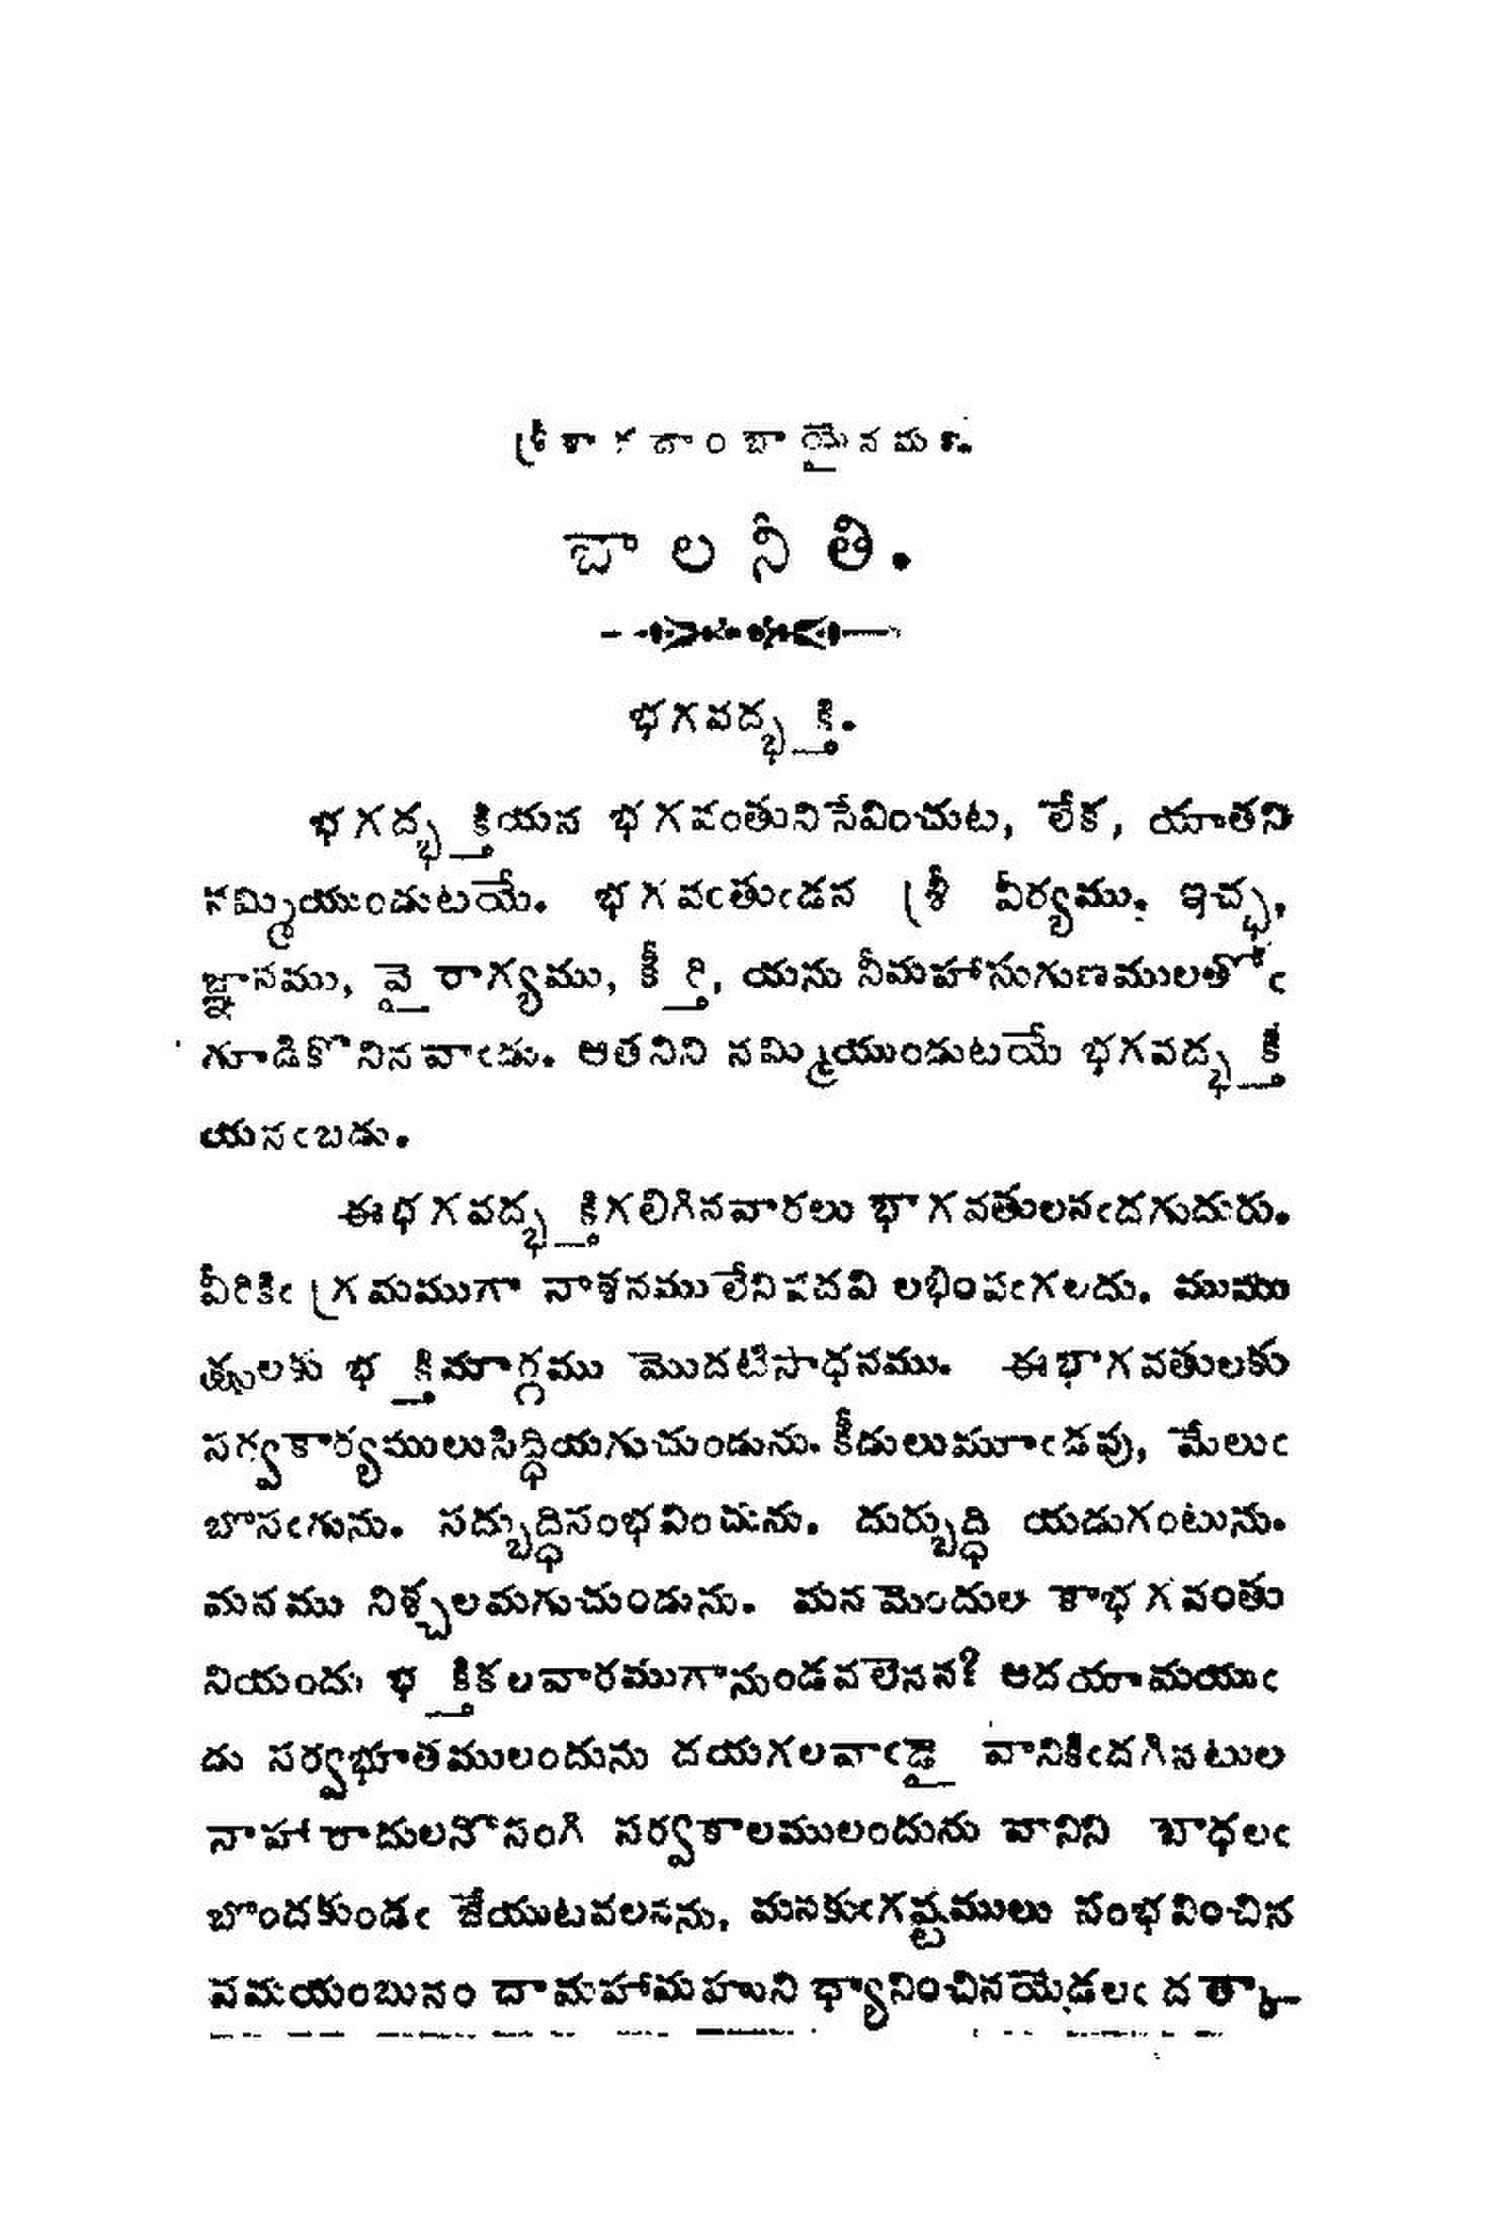బాలనీతి

భగవద్భక్తి.

భగద్భక్తియన భగవంతునిసేవించుట, లేక, యాతని 
నమ్మియుండుటయే. భగవంతుఁడన శ్రీ వీర్యము, ఇచ్చ, 
జ్ఞానము, వైరాగ్యము, కీర్తి, యను నీమహాసుగుణములతోఁ 
గూడికొనినవాఁడు. ఆతనిని నమ్మియుండుటయే భగవద్భక్తి 
యనఁబడు.

ఈభగవద్భక్తి గలిగినవారలు భాగవతులనఁదగుదురు. 
వీరికిఁ గ్రమముగా నాశనములేనిపదవి లభింపఁగలదు. ముము
క్షులకు భక్తిమార్గము మొదటిసాధనము. ఈభాగవతులకు 
సర్వకార్యములుసిద్ధియగుచుండును. కీడులు మూఁడవు, మేలుఁ
బొసఁగును. సద్భుద్ధిసంభవించును. దుర్భుద్ది యడుగంటును. 
మనము నిశ్చలమగుచుండును. మనమెందుల కాభగవంతు
నియందు భక్తికలవారముగానుండవలెనన? ఆదయామయుఁ
డు సర్వభూతములందును దయగలవాఁడై వానికిఁదగినటుల 
నాహారాదులనొసంగి సర్వకాలములందును వానిని బాధలఁ 
బొందకుండఁ జేయుటవలనను, మనకుఁగష్టములు సంభవించిన 
సమయంబునం దామహామహుని ధ్యానించించినయెడలఁ దత్కా